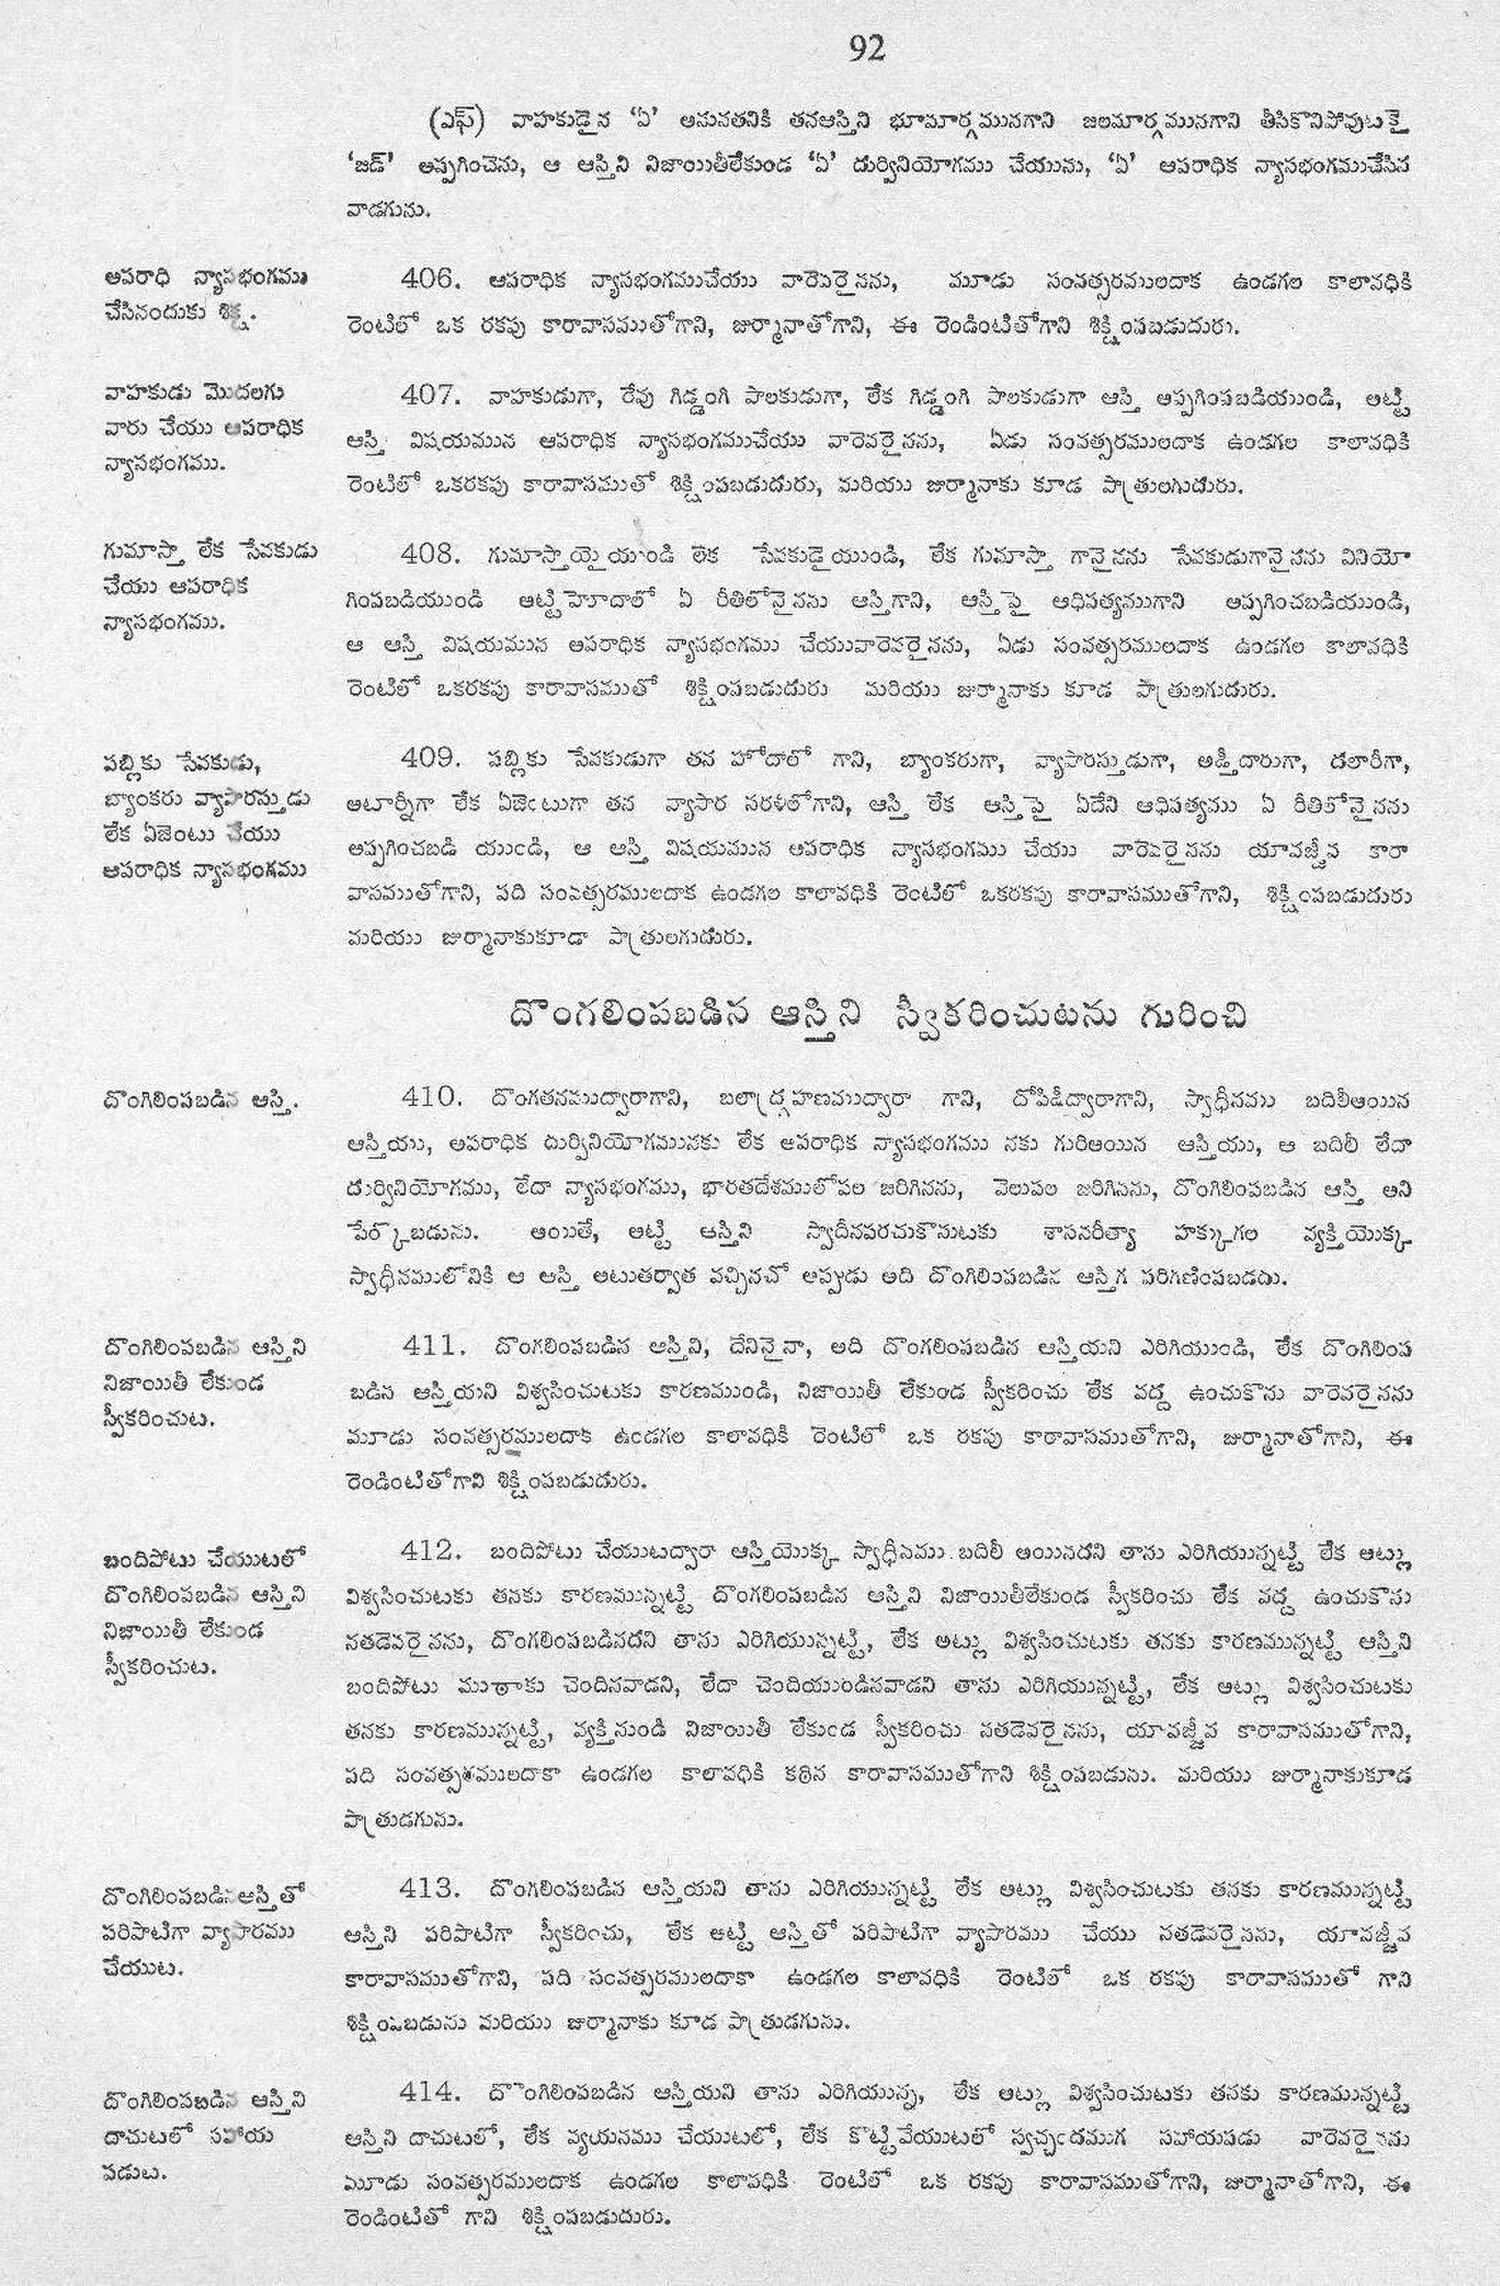(ఎఫ్) వాహకుడైన 'ఏ' అనునతనికి తనఆస్తిని భూమార్గమునగాని జలమార్గమునగాని తీసికొనిపోవుటకై
'జడ్' అప్పగించెను, ఆ ఆస్తిని నిజాయితీలేకుండ 'ఏ' దుర్వినియోగము చేయును, 'ఏ' ఆపరాధిక న్యాస భంగము చేసిన
వాడగును.

అపరాధి న్యాస భంగము చేసినందుకు శిక్ష

406. ఆపరాధిక న్యాస భంగముచేయు వారెవరైనను, మూడు సంవత్సరములదాక ఉండగల కాలావధికి రెంటిలో ఒక రకపు కారావాసముతోగాని, జుర్మానాతోగాని, ఈ రెండింటితోగాని శిక్షింపబడుదురు.

వాహకుడు మొదలగు వారు చేయు ఆపరాధిక న్యాసభంగము.

407. నాహకుడుగా, రేవు గిడ్డంగి పాలకుడుగా, లేక గిడ్డంగి పాలకుడుగా ఆస్తి ఆప్పగింపబడియుండి, అట్టి ఆస్తి విషయమున ఆపరాధిక న్యాసభంగముచేయు వారెవరైనను, ఏడు సంవత్సరములదాక ఉండగల కాలావధికి రెంటిలో ఒకరకపు కారావాసముతో శిక్షింపబడుదురు, మరియు జుర్మానాకు కూడ పాత్రులగుదురు.

గుమాస్తా లేక సేవకుడు చేయు ఆపరాధిక న్యాసభంగము.

408. గుమాస్తా యై యుండి లేక సేవకుడై యుండి, లేక గుమాస్తా గానై నను సేవకుడుగానై నను వినియోగింపబడియుండి ఆట్టి హెదాలో ఏ రీతిలోనై నను ఆస్తి గాని, ఆస్తి పై ఆధిపత్యముగాని అప్పగించబడియుండి, ఆ ఆస్తి విషయమున ఆపరాధిక న్యాసభంగము చేయువారెవరైనను, ఏడు సంవత్సరములదాక ఉండగల కాలావధికి రెంటిలో ఒకరకపు కారావాసముతో శిక్షింపబడుదురు మరియు జుర్మానాకు కూడ పాత్రులగుదురు.

పబ్లికు సేవకుడు,బ్యాంకరు వ్యాపారస్తుడు లేక ఏజెంటు చేయు అపరాధిక న్యాస భంగము

409. పబ్లికు సేవకుడుగా తన హోదాలో గాని, బ్యాంకరుగా, వ్యాపారస్తుడుగా, అడీ దారుగా, దలారీగా, అటార్నీగా లేక ఏజెంటుగా తన వ్యాపార సరళితో గాని, ఆస్తి లేక ఆస్తి పై ఏదేని ఆధిపత్యము ఏ రీతిలొనైనను అప్పగించబడి యుండి, ఆ ఆస్తి విషయమున ఆపరాధిక న్యాసభంగము చేయు వారెవెరైనను యావజ్జీవ కారావాసముతో గాని, పది సంవత్సరములదాక ఉండగల కాలావధికి రెంటిలో ఒకరకపు కారావాసముతో గాని, శిక్షింపబడుదురు మరియు జుర్మానాకు కూడా పాత్రులగుదురు.

దొంగిలింపబడిన ఆస్తి.

410. దొంగతనము ద్వారా గాని, బలాద్గ్ర హణముద్వారా గాని, దోపిడీ ద్వారా గాని, స్వాధీనము బదిలీ అయిన ఆస్తియు, అపరాధిక దుర్వినియోగమునకు లేక ఆపరాధిక న్యాసభంగము నకు గురిఅయిన ఆస్తియు, ఆ బదిలీ లేదా దుర్వినియోగము, లేదా న్యాస భంగము, భారతదేశములోపల జరిగినను, వెలుపల జరిగినను, దొంగిలింపబడిన ఆస్తి అని పేర్కొబడును. ఆయితే, అట్టి ఆస్తిని స్వాధీనపరచుకొనుటకు శాసనరీత్యా హక్కుగల వ్యక్తి యొక్క స్వాధీనములోనికి ఆ ఆస్తి అటుతర్వాత వచ్చినచో అప్పుడు అది దొంగిలింపబడిన ఆస్తి గ పరిగణింపబడదు.

దొంగిలింపబడిన ఆస్తిని నిజాయితీ లేకుండ స్వీకరించుట.

411, దొంగలింపబడిన ఆస్తిని, దేనినైనా, అది దొంగలింపబడిన ఆస్తియని ఎరిగియుండి, లేక దొంగిలింపబడిన ఆస్తియని విశ్వసించుటకు కారణముండి, నిజాయితీ లేకుండ స్వీకరించు లేక వద్ద ఉంచుకొను వారెవరై నను మూడు సంవత్సరములదాక ఉండగల కాలావధికి రెంటిలో ఒక రకపు కారావాసముతో గాని, జుర్మానాతోగాని, ఈ రెండింటితోగాని శిక్షింపబడుదురు.

బందిపోటు చేయుటలో దొంగిలింపబడిన ఆస్తిని నిజాయితీ లేకుండ స్వీకరించుట.

412. బందిపోటు చేయుటద్వారా ఆస్తి యొక్క స్వాధీనము , బదిలీ అయినదని తాను ఎరిగియున్నట్టి లేక ఆట్లు విశ్వసించుటకు తనకు కారణమున్నట్టి దొంగలింపబడిన ఆస్తిని నిజాయితీలేకుండ స్వీకరించు లేక వద్ద ఉంచుకొను నతడెవరైనను, దొంగలింపబడినదని తాసు ఎరిగియున్నట్టి, లేక అట్లు విశ్వసించుటకు తనకు కారణమున్నట్టి ఆస్తి ని బందిపోటు ముఠాకు చెందినవాడని, లేదా చెందియుండినవాడని తాను ఎరిగియున్నట్టి, లేక అట్లు విశ్వసించుటకు తనకు కారణమున్నట్టి, వ్యక్తి నుండి నిజాయితీ లేకుండ స్వీకరించు నతడెవరైనను, యావజ్జీవ కారావాసములోగాని, పది సంవత్సశములదాకా ఉండగల కాలావధికి కఠిన కారావాసముతోగాని శిక్షింపబడును. మరియు జుర్మానాకుకూడ పాత్రుడగును.

దొంగిలింపబడిన ఆస్తితో పరిపాటిగా వ్యాపారము చేయుట.

413. దొంగలింపబడిన ఆస్తియని తాను ఎరిగియున్నట్టి లేక ఆట్లు విశ్వసించుటకు తనకు కారణమున్నట్టి ఆస్తిని పరిపాటిగా స్వీకరించు, లేక అట్టి ఆస్తి తో పరిపాటిగా వ్యాపారము చేయు నతడెవరై నను, యావజ్జీవ కారావాసముతోగాని, పది సంవత్సరములదాకా ఉండగల కాలావధికి రెంటిలో ఒక రకపు కారావాసముతో గాని శిక్షింపబడును మరియు జుర్మానాకు కూడ పాత్రుడగును.

దొంగిలింపబడిన ఆస్తిని దాచుటలో సహాయపడుట.

414. దొంగిలింపబడిన ఆస్తియని తాను ఎరిగియున్న, లేక అట్లు విశ్వసించుటకు తనకు కారణమున్నట్టి ఆస్తి ని దాచుటలో, లేక వ్యయసము చేయుటలో, లేక కొట్టి వేయుటలో స్వచ్చం దముగ సహాయపడు వారెవరైనను మూడు సంవత్సరములదాక ఉండగల కాలావధికి రెంటిలో ఒక రకపు కారావాసముతోగాని, జూర్మానాతోగాని, ఈ రెండింటితో గాని శిక్షింపబడుదురు.